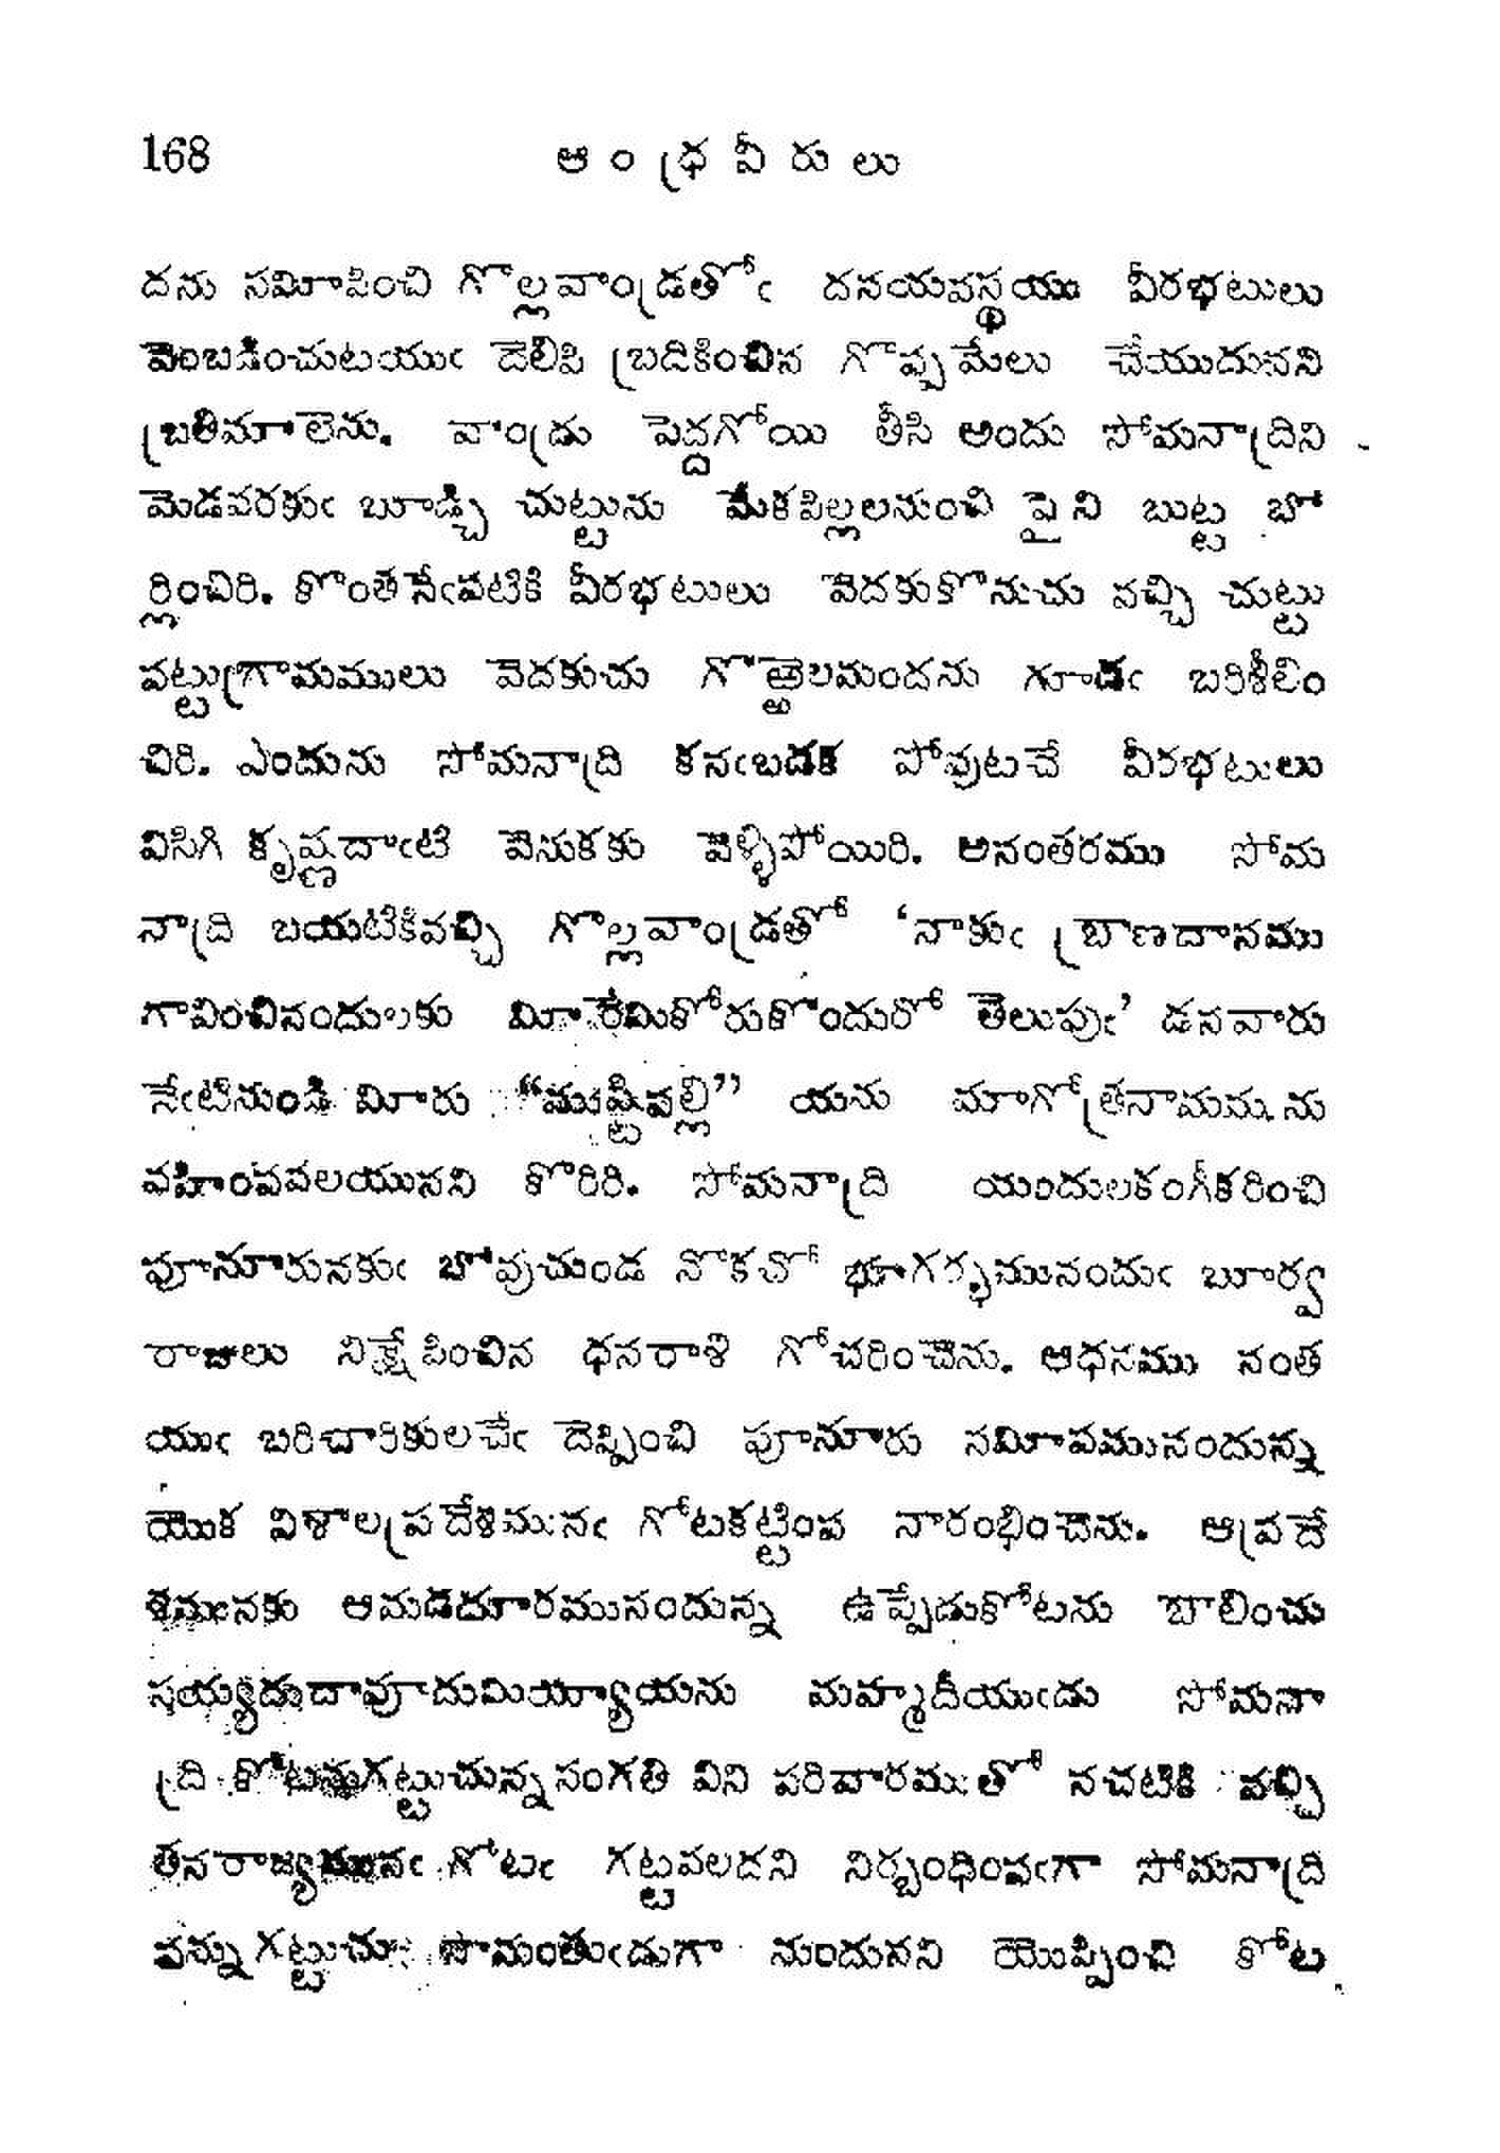దను సమీపించి గొల్లవాండ్రతో దనయవస్థయు వీరభటులు వెంబడించుటయు దెలిపి బ్రదికించిన గొప్పమేలు చేయుదునని బ్రతిమాలెను. వాండ్రు పెద్దగోయి తీసి అందు సోమనాద్రిని మెడవరకు బూడ్చి చుట్టును మేకపిల్లలనుంచి పైనిబుట్ట బోర్లించిరి. కొంతసేపటికి వీరభటులు వెదకుకొనుచు వచ్చి చుట్టుపట్టుగ్రామములు వెదకుచు గొఱ్ఱెలమందను గూడ బరిశీలించిరి. ఎందును సోమనాద్రి కనబడక పోవుటచే వీరభటులు విసిగి కృష్ణదాటి వెనుకకు వెళ్ళిపోయిరి. అనంతరము సోమనాద్రి బయటికివచ్చి గొల్లవాండ్రతో 'నాకు బ్రాణదానము గావించినందులకు మీరేమికోరుకొందురో తెలుపు' డనవారు నేటినుండి మీరు "ముష్టిపల్లి" యను మాగోత్రనామమును వహింపవలయునని కోరిరి. సోమనాద్రి యందులకంగీకరించి పూనూరునకు బోవుచుండ నొకచో భూగర్భమునందు బూర్వరాజులు నిక్షేపించిన ధనరాశి గోచరించెను. ఆధనము నంతయు బరిచారికులచే దెప్పించి పూనూరు సమీపమునందున్న యొక విశాలప్రదేశమున గోటకట్టింప నారంభించెను. ఆప్రదేశమునకు ఆమడదూరమునందున్న ఉప్పేడుకోటను బాలించు సయ్యదుదావూదుమియ్యాయను మహమ్మదీయుడు సోమనాద్రి కోటనుగట్టుచున్నసంగతి విని పరివారముతో నచటికి వచ్చి తనరాజ్యమున గోట గట్టవలదని నిర్బంధింపగా సోమనాద్రి పన్నుగట్టుచు సామంతుడుగా నుందునని యొప్పించి కోట